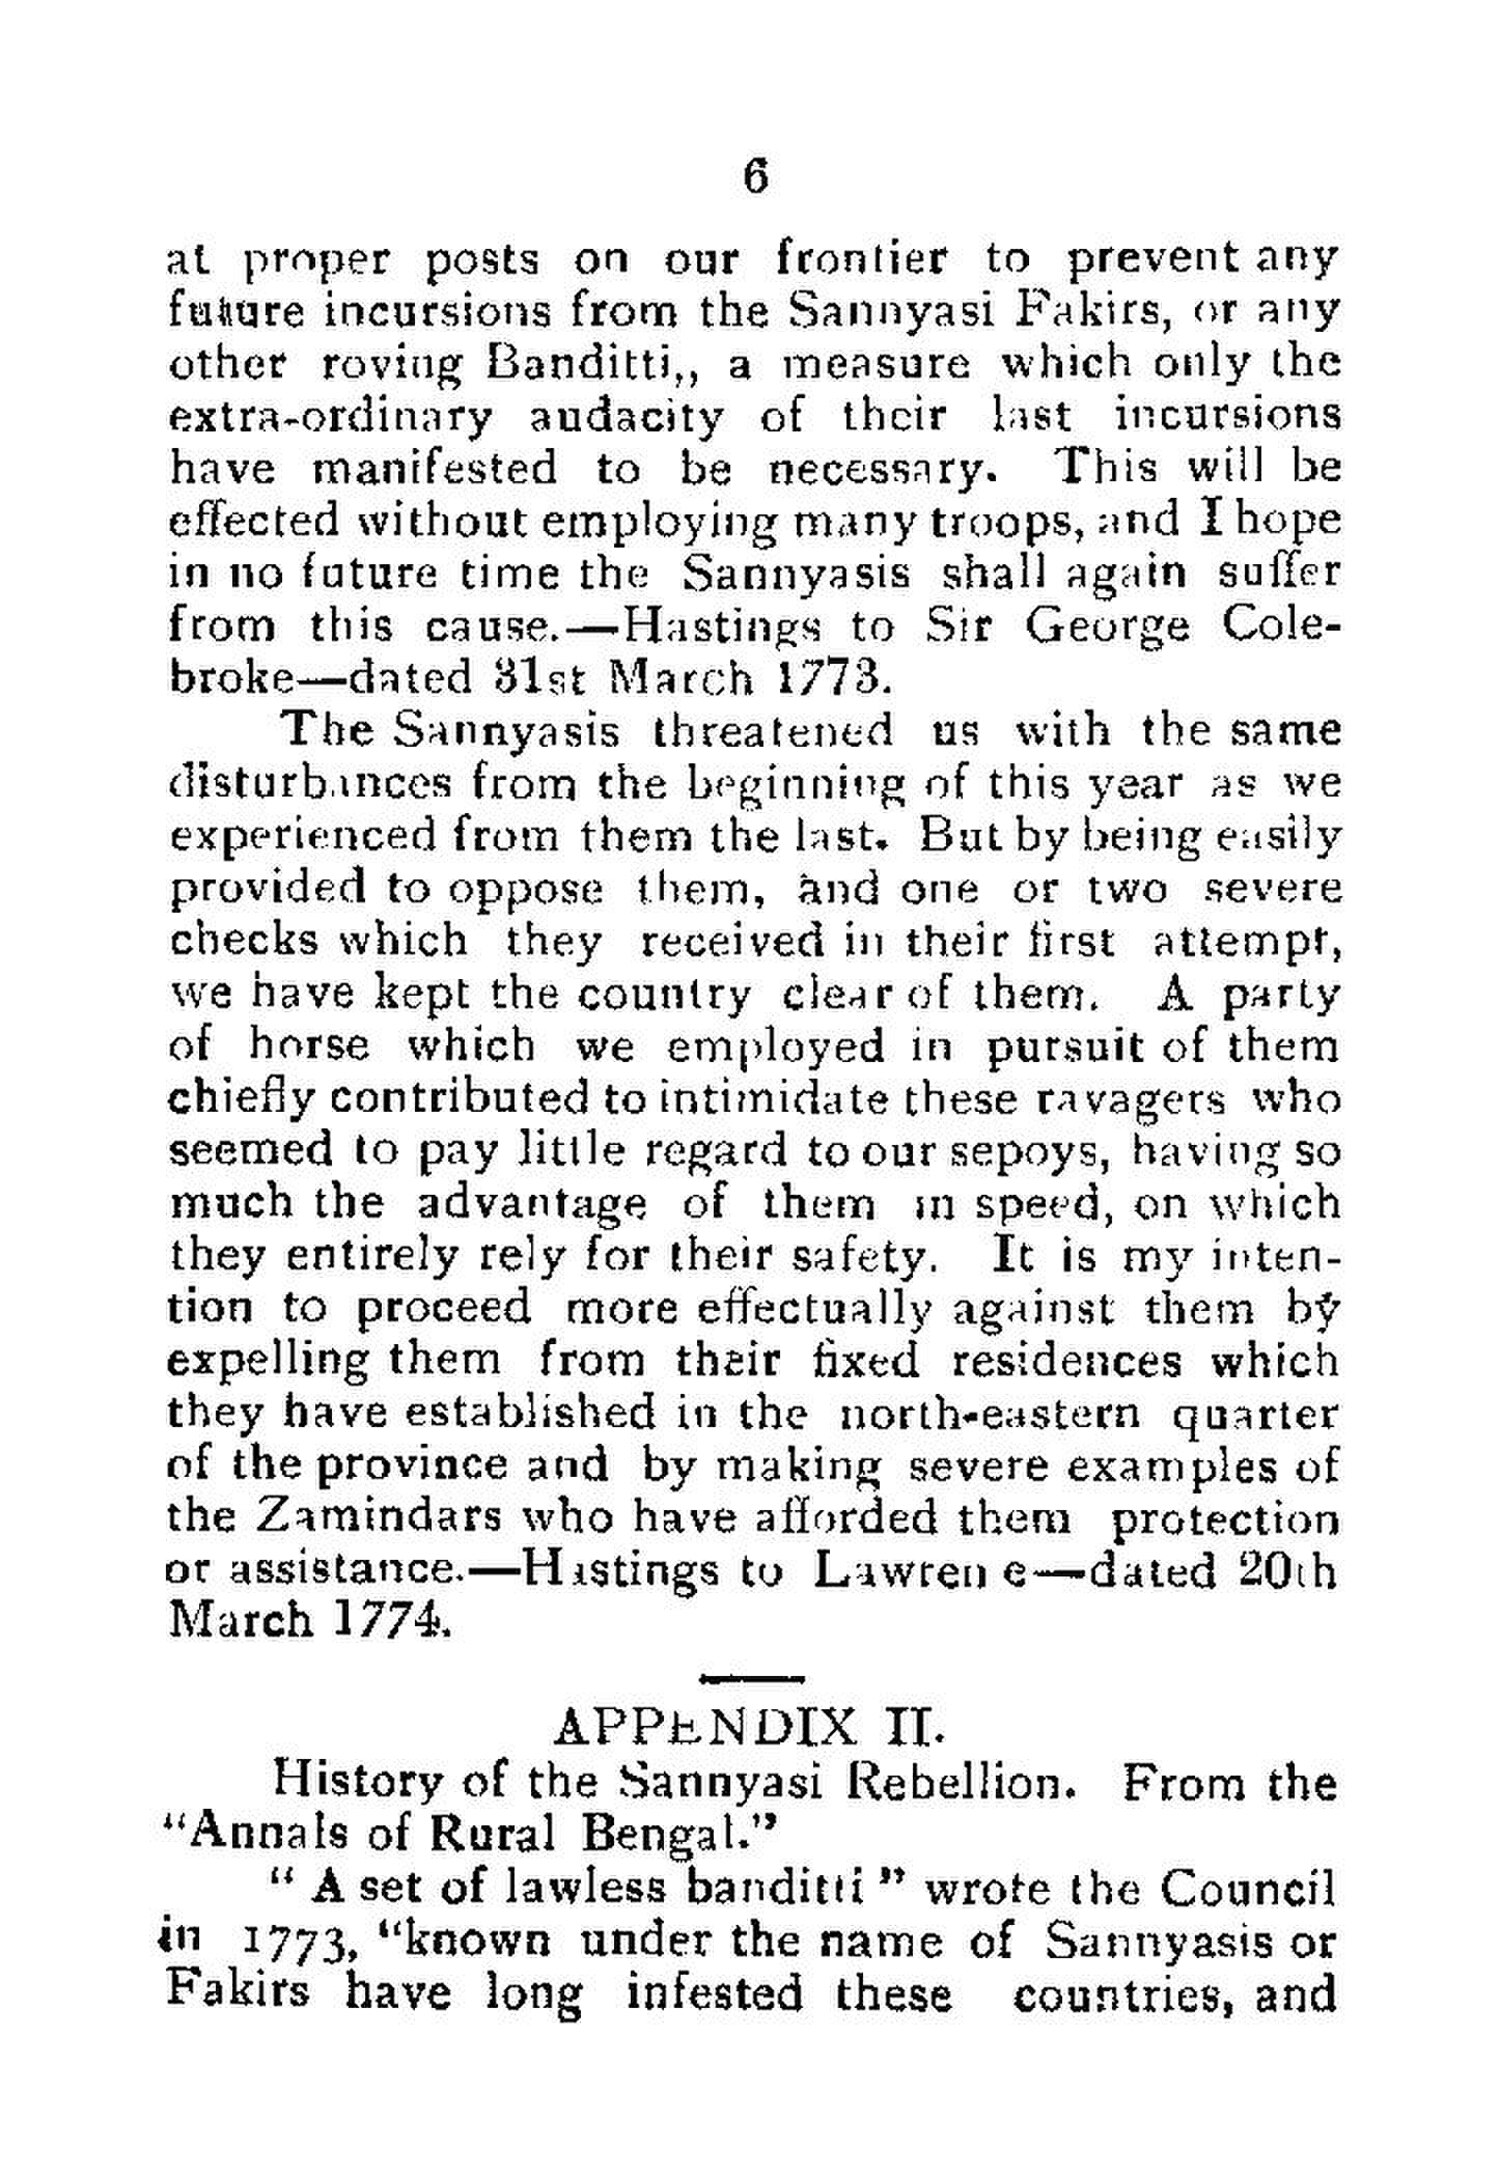at proper posts on our frontier to prevent any future incursions from the Sannyasi Fakirs, or any other roving Banditti,, a measure which only the extra-ordinary audacity of their last incursions
have manifested to be necessary. This will be effected without employing many troops, and I hope in no future time the Sannyasis shall again suffer from this cause.—Hastings to Sir George Colebroke—dated 31st March 1773.

The Sannyasis threatened us with the same disturbances from the beginning of this year as we experienced from them the last. But by being easily provided to oppose them, and one or two severe checks which they received in their first attempt, we have kept the country clear of them. A party of horse which we employed in pursuit of them chiefly contributed to intimidate these ravagers who seemed to pay little regard to our sepoys, having so much the advantage of them in speed, on which they entirely rely for their safety. It is my intention to proceed more effectually against them bý expelling them from their fixed residences which they have established in the north-eastern quarter of the province and by making severe examples of the Zamindars who have afforded them protection or assistance.—Histings to Lawrene—dated 20th March 1774.

History of the Sannyasi Rebellion. From the "Annals of Rural Bengal."

"A set of lawless banditti" wrote the Council 1773, "known under the name of Sannyasis or Fakirs have long infested these countries, and